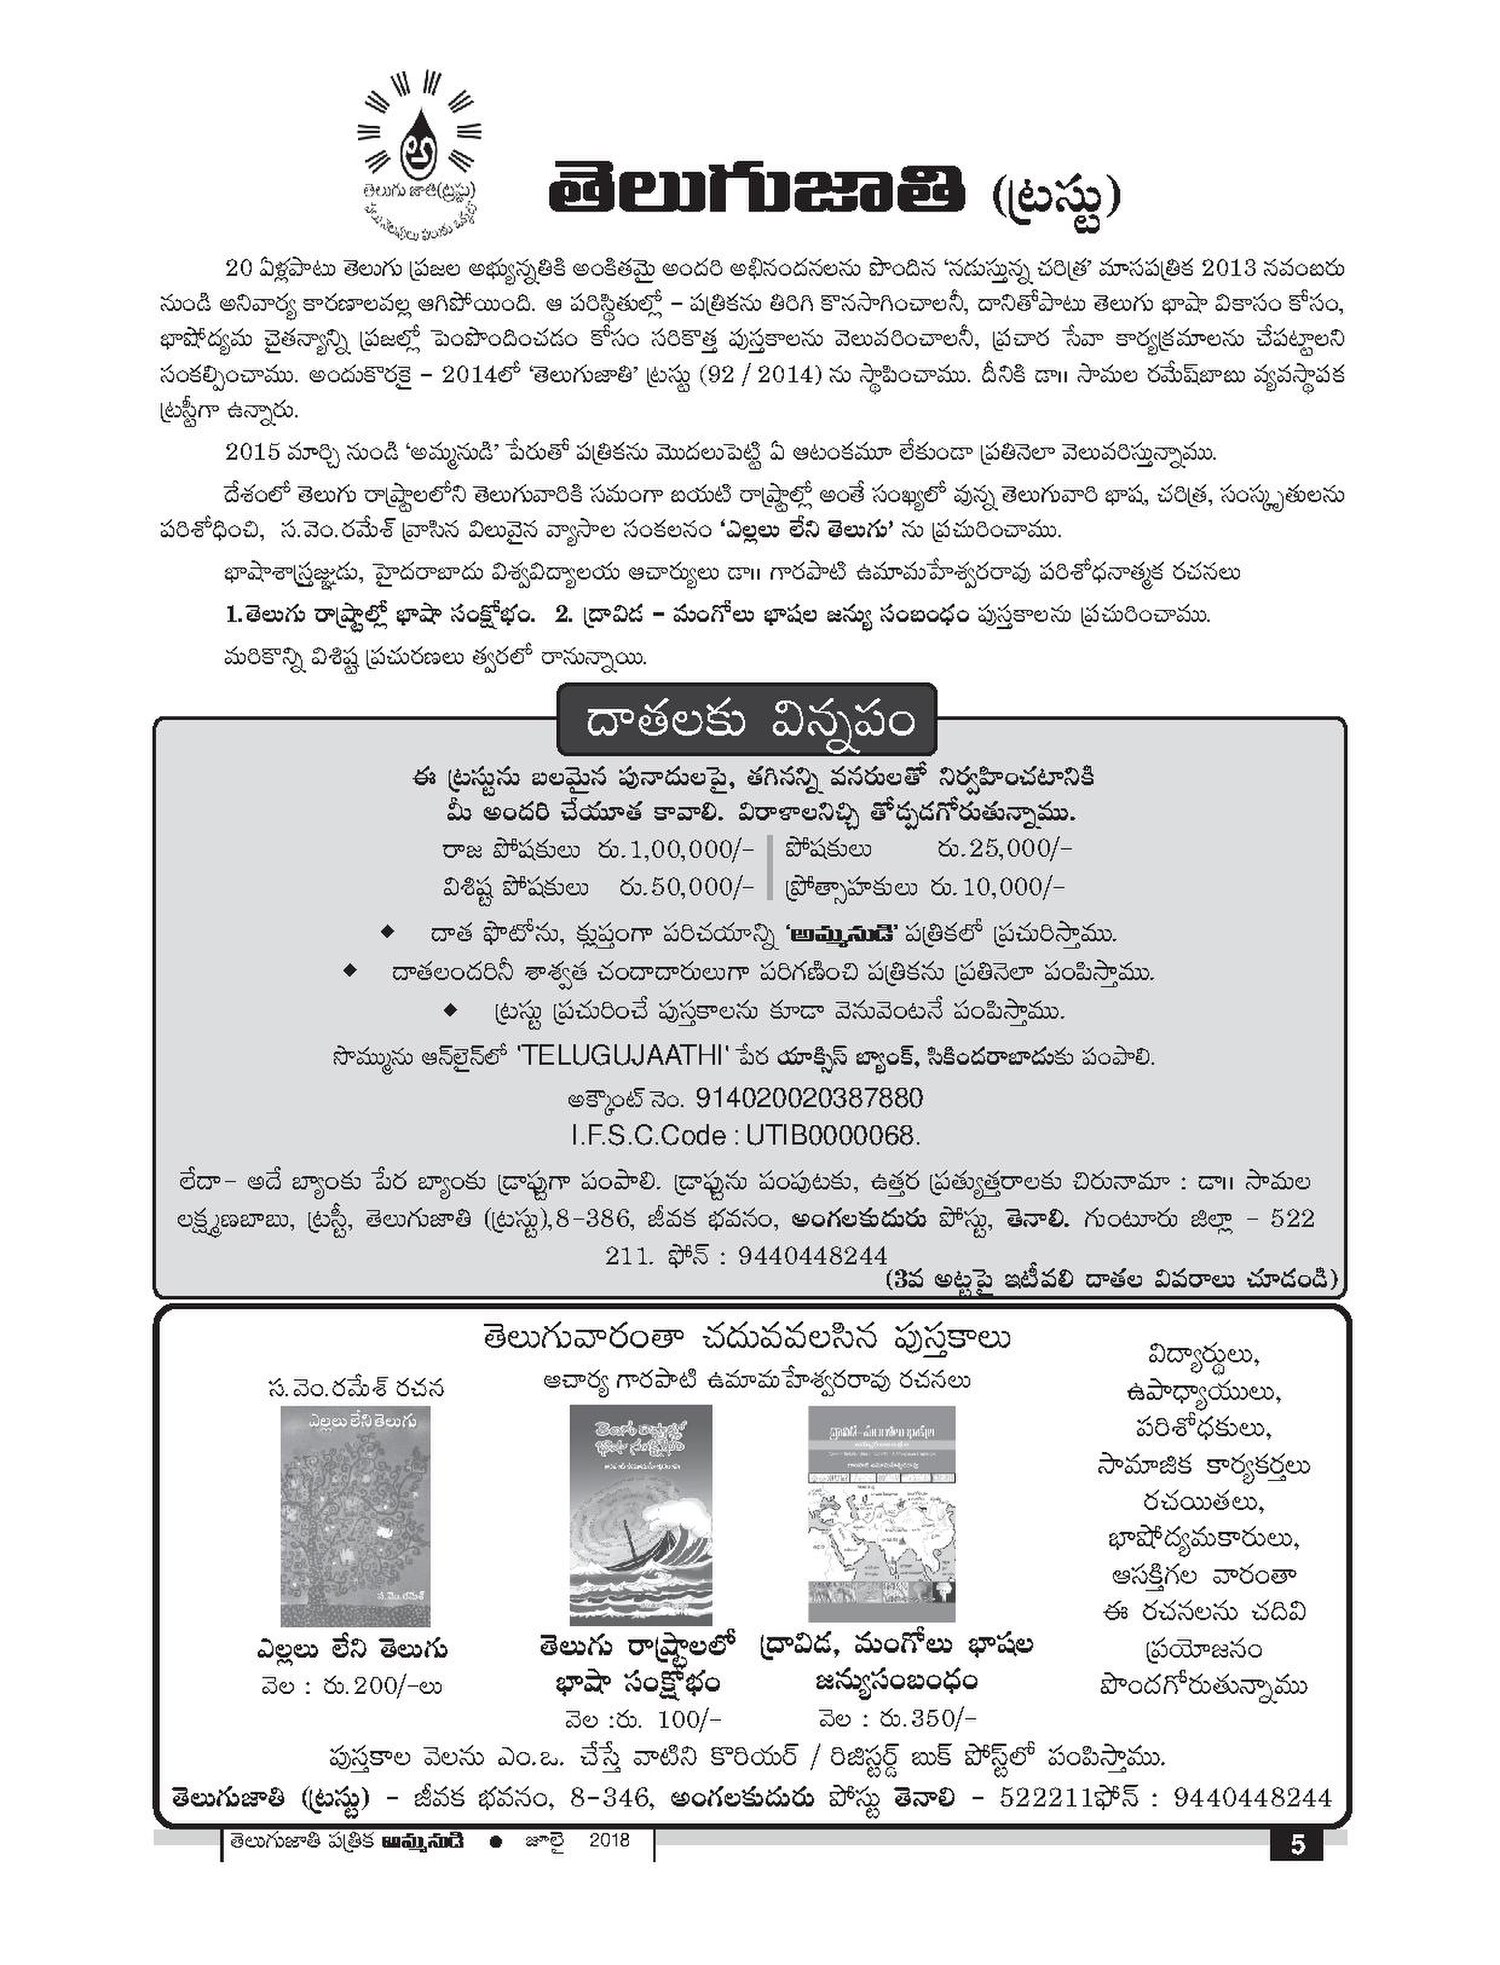తెలుగుజాతి (ట్రస్టు)
20 ఏళ్లపాటు తెలుగు ప్రజల అభ్యున్నతికి అంకితమై అందరి అభినందనలను పొందిన 'నడుస్తున్న చరిత్ర' మాసపత్రిక 2013 నవంబరు నుండి అనివార్య కారణాలవల్ల ఆగిపోయింది. ఆ పరిస్థితుల్లో - పత్రికను తిరిగి కొనసాగించాలనీ, దానితోపాటు తెలుగు భాషా వికాసం కోసం, భాషోద్యమ చైతన్యాన్ని ప్రజల్లో పెంపొందించడం కోసం సరికొత్త పుస్తకాలను వెలువరించాలనీ, ప్రచార సేవా కార్యక్రమాలను చేపట్టాలని సంకల్పించాము. అందుకొరకై - 2014లో 'తెలుగుజాతి' ట్రస్టు (92 / 2014) ను స్థాపించాము. దీనికి డా॥ సామల రమేష్ బాబు వ్యవస్థాపక ట్రస్టీగా ఉన్నారు.

2015 మార్చి నుండి 'అమ్మనుడి' పేరుతో పత్రికను మొదలుపెట్టి ఏ ఆటంకమూ లేకుండా ప్రతినెలా వెలువరిస్తున్నాము.

దేశంలో తెలుగు రాష్ట్రాలలోని తెలుగువారికి సమంగా బయటి రాష్ట్రాల్లో అంతే సంఖ్యలో వున్న తెలుగువారి భాష, చరిత్ర, సంస్కృతులను పరిశోధించి, స. వెం. రమేశ్ వ్రాసిన విలువైన వ్యాసాల సంకలనం 'ఎల్లలు లేని తెలుగు' ను ప్రచురించాము.

భాషాశాస్త్రజ్ఞుడు, హైదరాబాదు విశ్వవిద్యాలయ ఆచార్యులు డా॥ గారపాటి ఉమామహేశ్వరరావు పరిశోధనాత్మక రచనలు

1.తెలుగు రాష్ట్రాల్లో భాషా సంక్షోభం. 2. ద్రావిడ - మంగోలు భాషల జన్యు సంబంధం పుస్తకాలను ప్రచురించాము.

మరికొన్ని విశిష్ట ప్రచురణలు త్వరలో రానున్నాయి.

దాతలకు విన్నపం

ఈ ట్రస్టును బలమైన పునాదులపై, తగినన్ని వనరులతో నిర్వహించటానికి మీ అందరి చేయూత కావాలి. విరాళాలనిచ్చి తోడ్పడగోరుతున్నాము.
రాజ పోషకులు రు. 1,00,000/- 
పోషకులు రూ.25,000/-
విశిష్ట పోషకులు రు. 50,000/- 
ప్రోత్సాహకులు రు. 10,000/-

దాత ఫొటోను, క్లుప్తంగా పరిచయాన్ని 'అమ్మనుడి' పత్రికలో ప్రచురిస్తాము.
దాతలందరినీ శాశ్వత చందాదారులుగా పరిగణించి పత్రికను ప్రతినెలా పంపిస్తాము.
ట్రస్టు ప్రచురించే పుస్తకాలను కూడా వెనువెంటనే పంపిస్తాము.

సొమ్మును ఆన్లైన్లో 'TELUGUJAATHI' పేర యాక్సిస్ బ్యాంక్, సికిందరాబాదుకు పంపాలి.
అక్కౌంట్ నెం. 914020020387880
I.F.S.C.Code : UTIB0000068.

లేదా- అదే బ్యాంకు పేర బ్యాంకు డ్రాఫ్టుగా పంపాలి. డ్రాప్టును పంపుటకు, ఉత్తర ప్రత్యుత్తరాలకు చిరునామా : డా॥ సామల లక్ష్మణబాబు, ట్రస్టీ, తెలుగుజాతి (ట్రస్టు), 8-386, జీవక భవనం, అంగలకుదురు పోస్టు, తెనాలి. గుంటూరు జిల్లా - 522
(3వ అట్టపై ఇటీవలి దాతల వివరాలు చూడండి)

విద్యార్థులు, ఉపాధ్యాయులు, పరిశోధకులు, సామాజిక కార్యకర్తలు రచయితలు, భాషోద్యమకారులు, ఆసక్తిగల వారంతా
ఈ రచనలను చదివి ప్రయోజనం పొందగోరుతున్నాము

పుస్తకాల వెలను ఎం.ఒ. చేస్తే వాటిని కొరియర్ / రిజిస్టర్డ్ బుక్ పోస్టులొపంపిస్తాము.

తెలుగుజాతి ((ట్రస్టు) - జీవక భవనం, 8-346, అంగలకుదురు పోస్టు 'తెనాలీ - 522211ఫోన్ : 9440448244